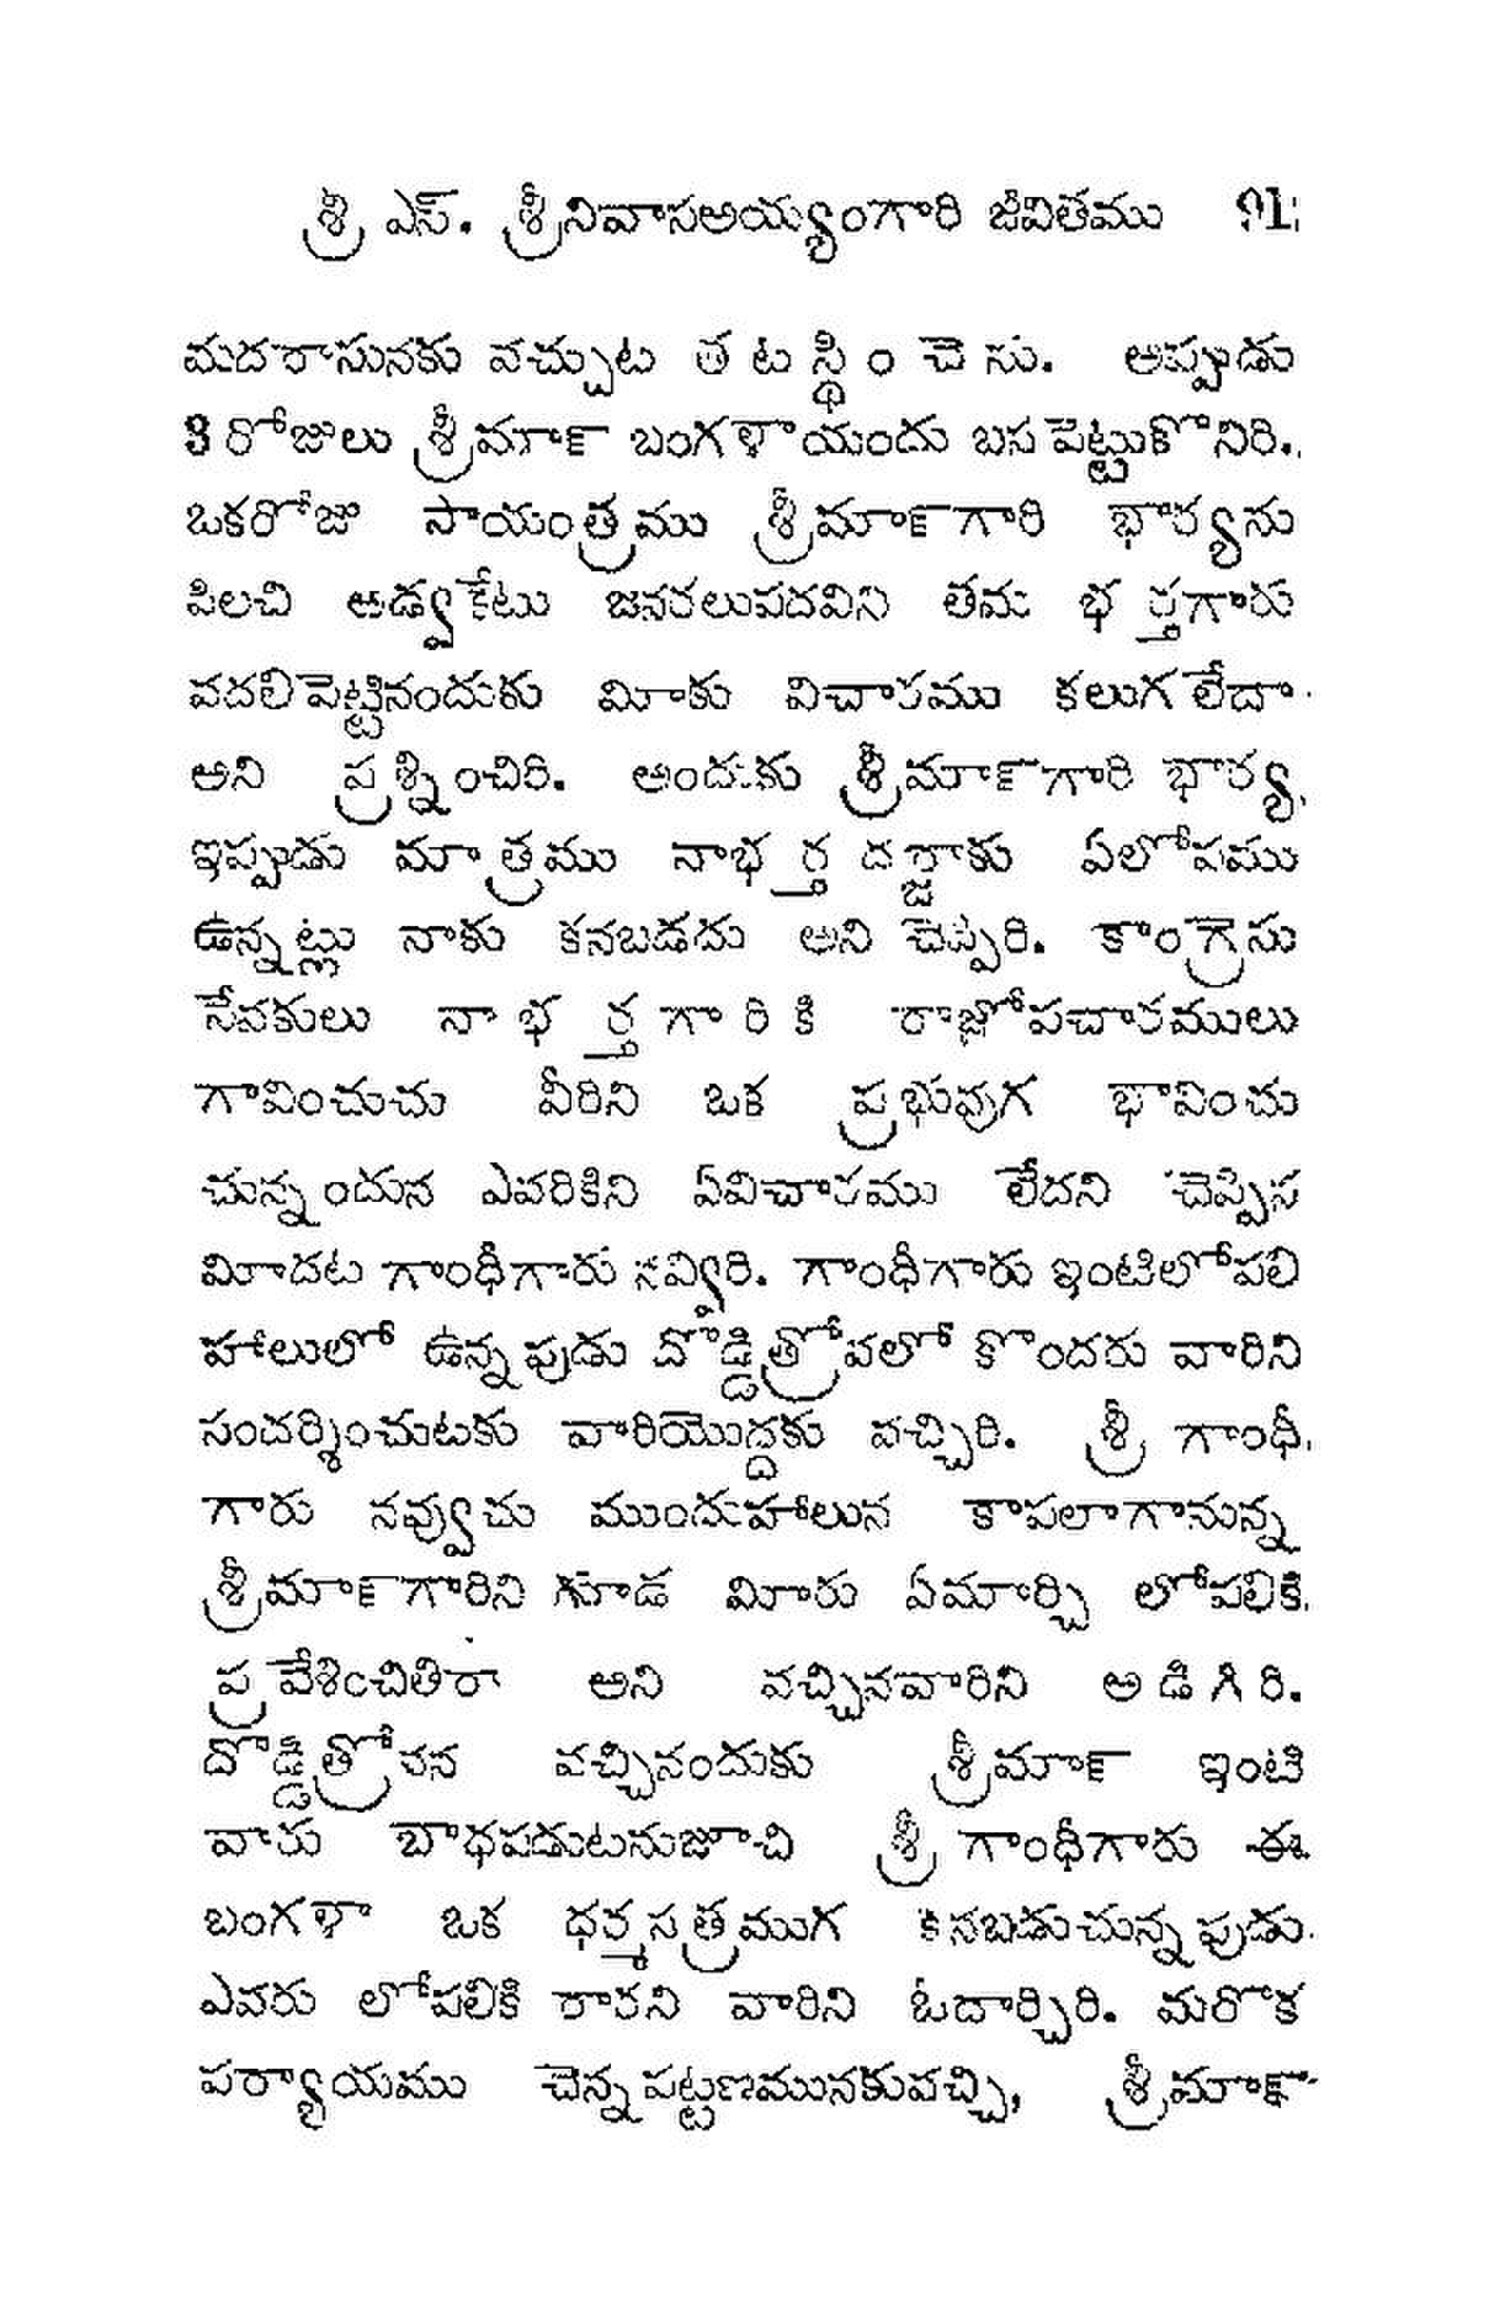మదరాసునకు వచ్చుట తటస్థించెను. అప్పుడు 3 రోజులు శ్రీమా౯ బంగళాయందు బసపెట్టుకొనిరి. ఒకరోజు సాయంత్రము శ్రీమా౯గారి భార్యను పిలచి అడ్వకేటు జనరలుపదవిని తమ భర్తగారు వదలిపెట్టినందుకు మీకు విచారము కలుగలేదా అని ప్రశ్నించిరి. అందుకు శ్రీమా౯గారి భార్య ఇప్పుడు మాత్రము నాభర్త దర్జాకు ఏలోపము ఉన్నట్లు నాకు కనబడదు అని చెప్పరి. కాంగ్రెసు సేవకులు నాభర్తగారికి
రాజోపచారములు గావించుచు వీరిని ఒక ప్రభువుగ భావించు చున్నందున ఎవరికిని ఏవిచారము లేదని చెప్పిన మీదట గాంధీగారు నవ్విరి. గాంధీగారు ఇంటిలోపలి హాలులో ఉన్నపుడు దొడ్డిత్రోవలో కొందరు వారిని సందర్శించుటకు వారియొద్దకు వచ్చిరి. శ్రీ గాంధీగారు నవ్వుచు ముందుహాలున కాపలాగానున్న శ్రీమా౯గారిని గూడ మీరు ఏమార్చి లోపలికి ప్రవేశించితిరా అని వచ్చినవారిని అడిగిరి. దొడ్డిత్రోవన వచ్చినందుకు శ్రీమా౯ ఇంటివారు బాధపడుటనుజూచి శ్రీ గాంధీగారు ఈ బంగళా ఒక ధర్మసత్రముగ కనబడుచున్నపుడు. ఎవరు లోపలికి రారని వారిని ఓదార్చిరి. మరొక పర్యాయము చెన్నపట్టణమునకువచ్చి, శ్రీమా౯